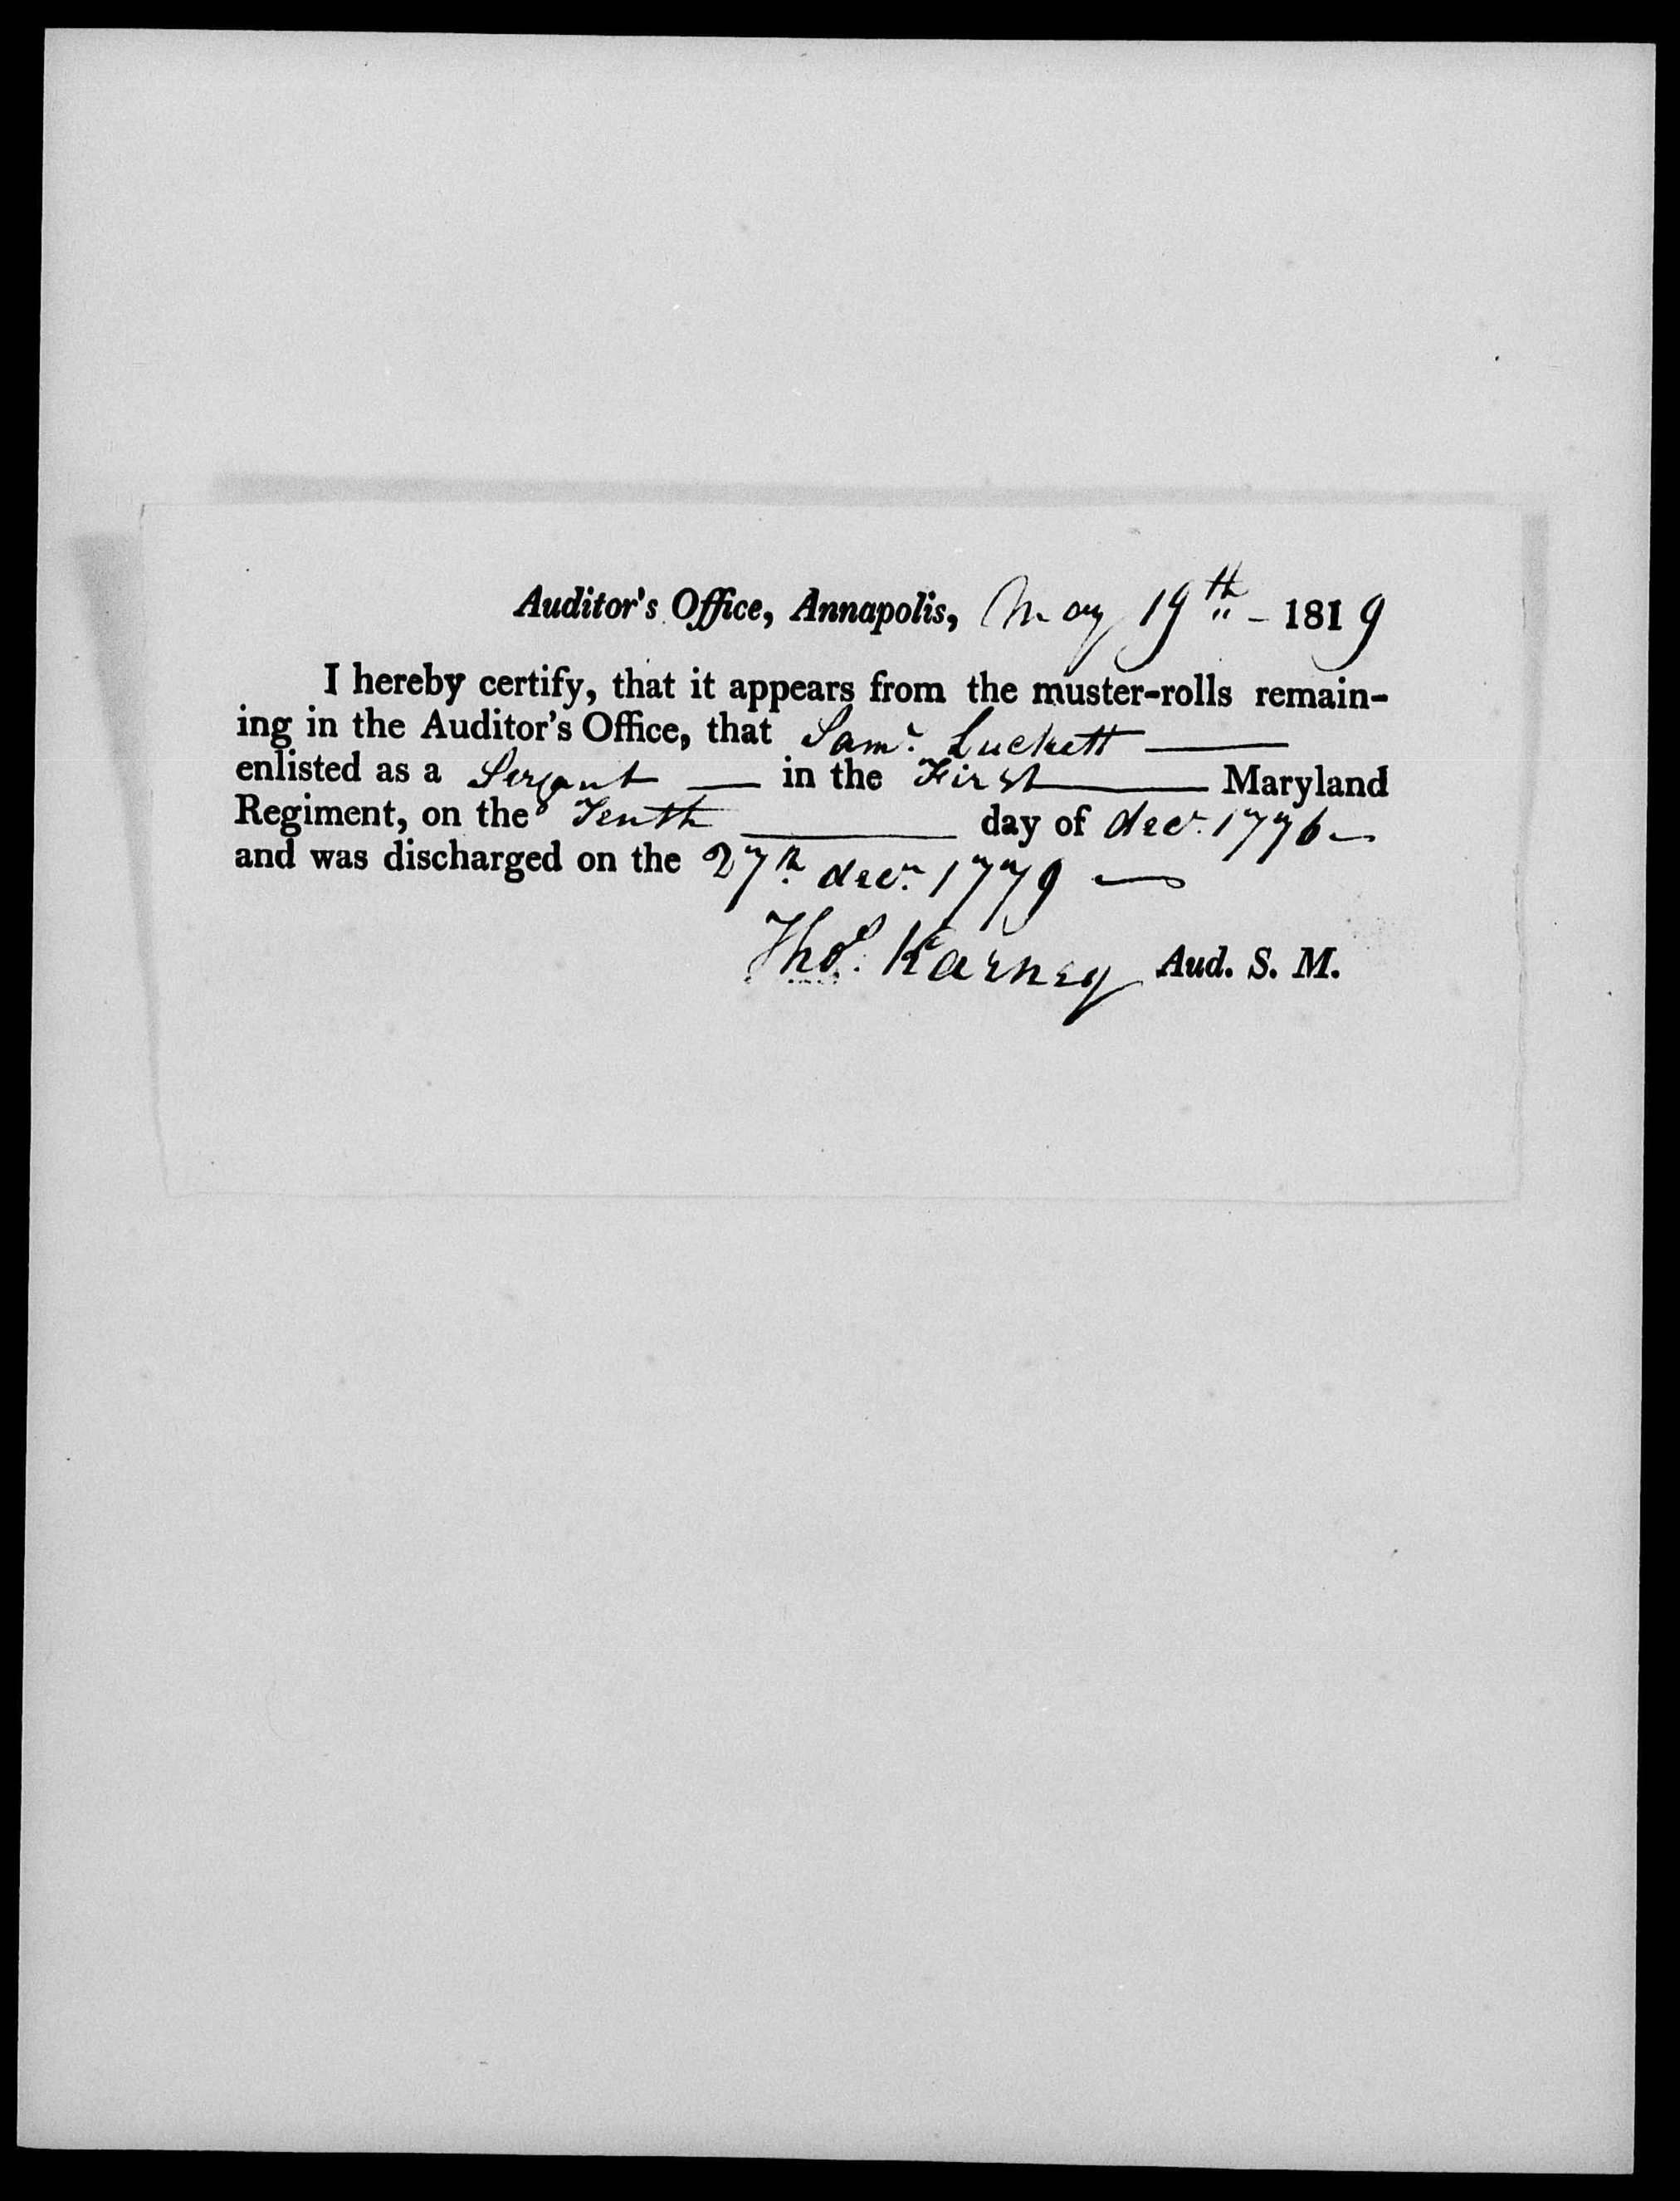Auditor's Office, Annapolis, May 19th, 1819

I hereby certify that it appears from the muster-rolls remaining in the Auditor's Office that Sam'l Luckett enlisted as a Sergeant in the First Maryland Regiment on the tenth day of Dec 1776 and was discharged on the 27th Dec 1779

Thos Karney, Aud. S.M.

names: Saml Luckett; Thos Karney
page: 25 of 34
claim: survivor's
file: S. 36,051, for Samuel Luckett, Maryland